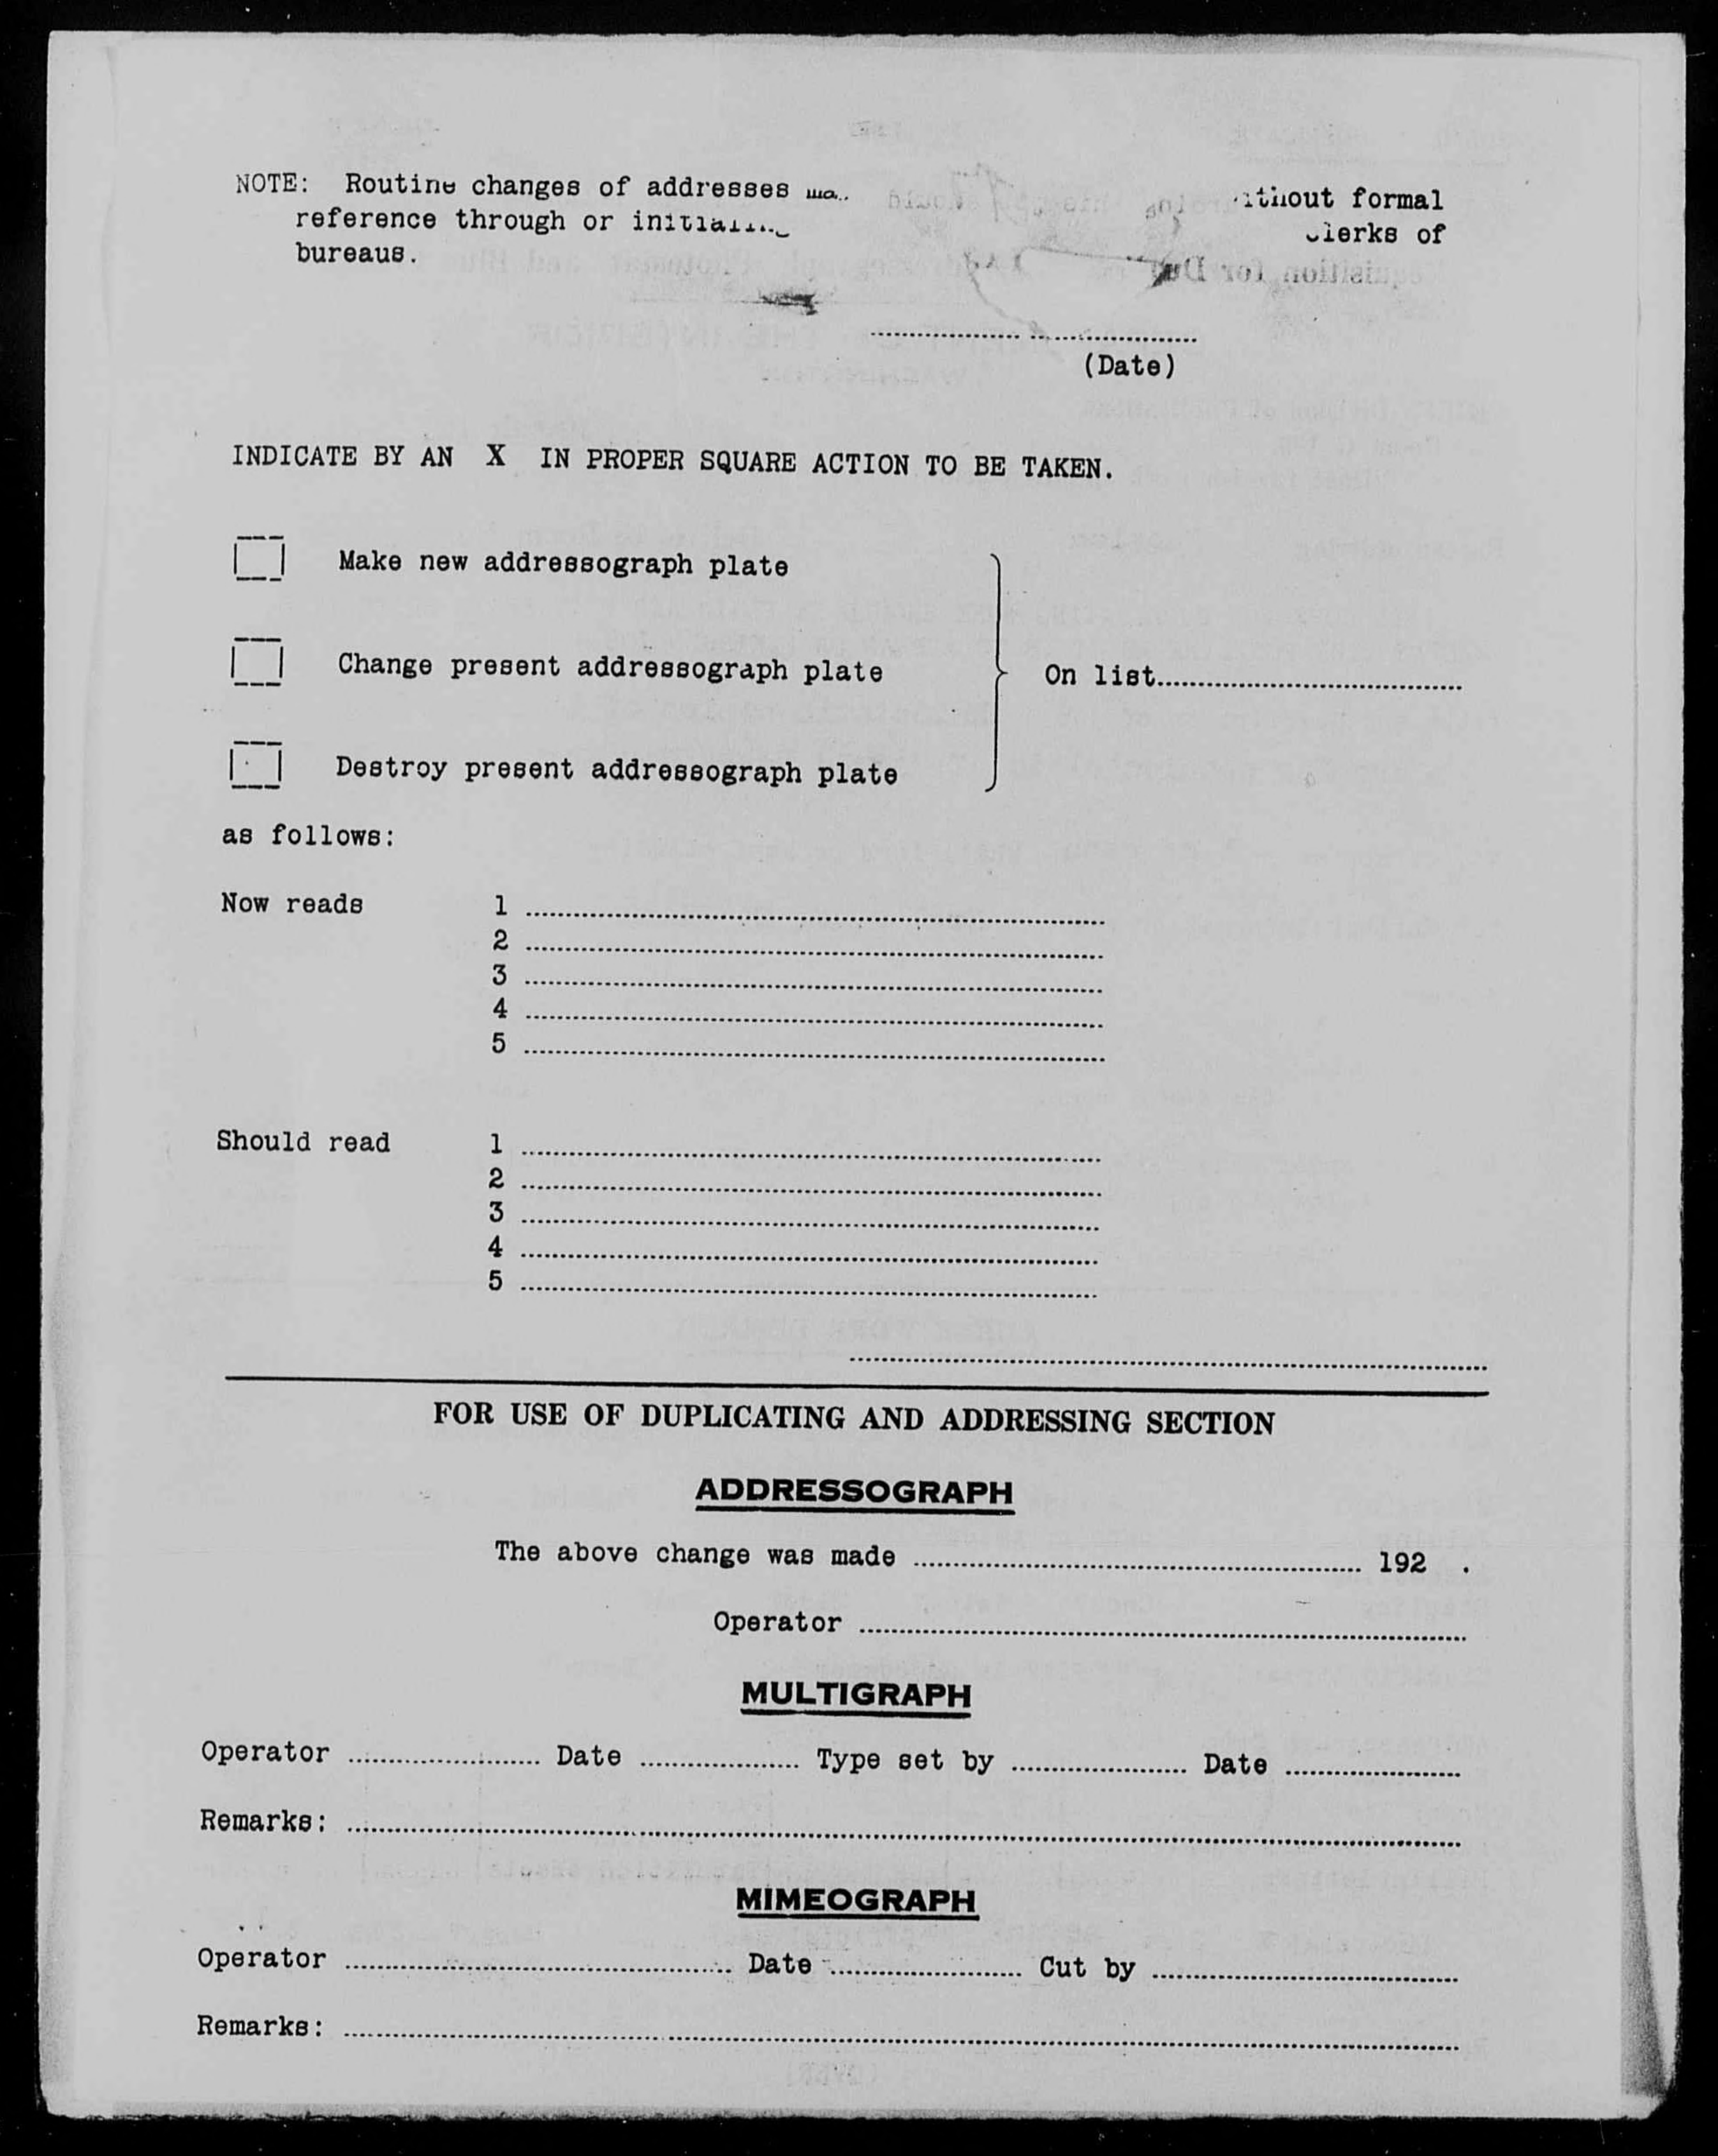NOTE: Routine change of addresses [illegible] without formal reference through or initiating [illegible] clerks of bureaus.
______
(Date)
INDICATE BY AN X IN PROPER SQUARE ACTION TO BE TAKEN.
[square] Make new addressograph plate
[square] Change present addressograph plate
[square] Destroy present addressograph plate
} On list __________________
as follows: 
Now reads 1_______________________
2 _____________________________
3 ____________________________
4 _____________________________
5 _____________________________
___________________________
FOR USE OF DUPLICATING AND ADDRESSING SECTION
ADDRESSOGRAPH
______________________
The above change was made _________________
Operator ________________________
MULTIGRAPH
_________________
Operator_______ Date ________Type Set by ________Date ________

MIMEOGRAPH
_______________
Operator ________ Date ________Cut by__________
Remarks: ____________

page: 21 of 30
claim: rejected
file: R. 4927, Conrad Hess, New York